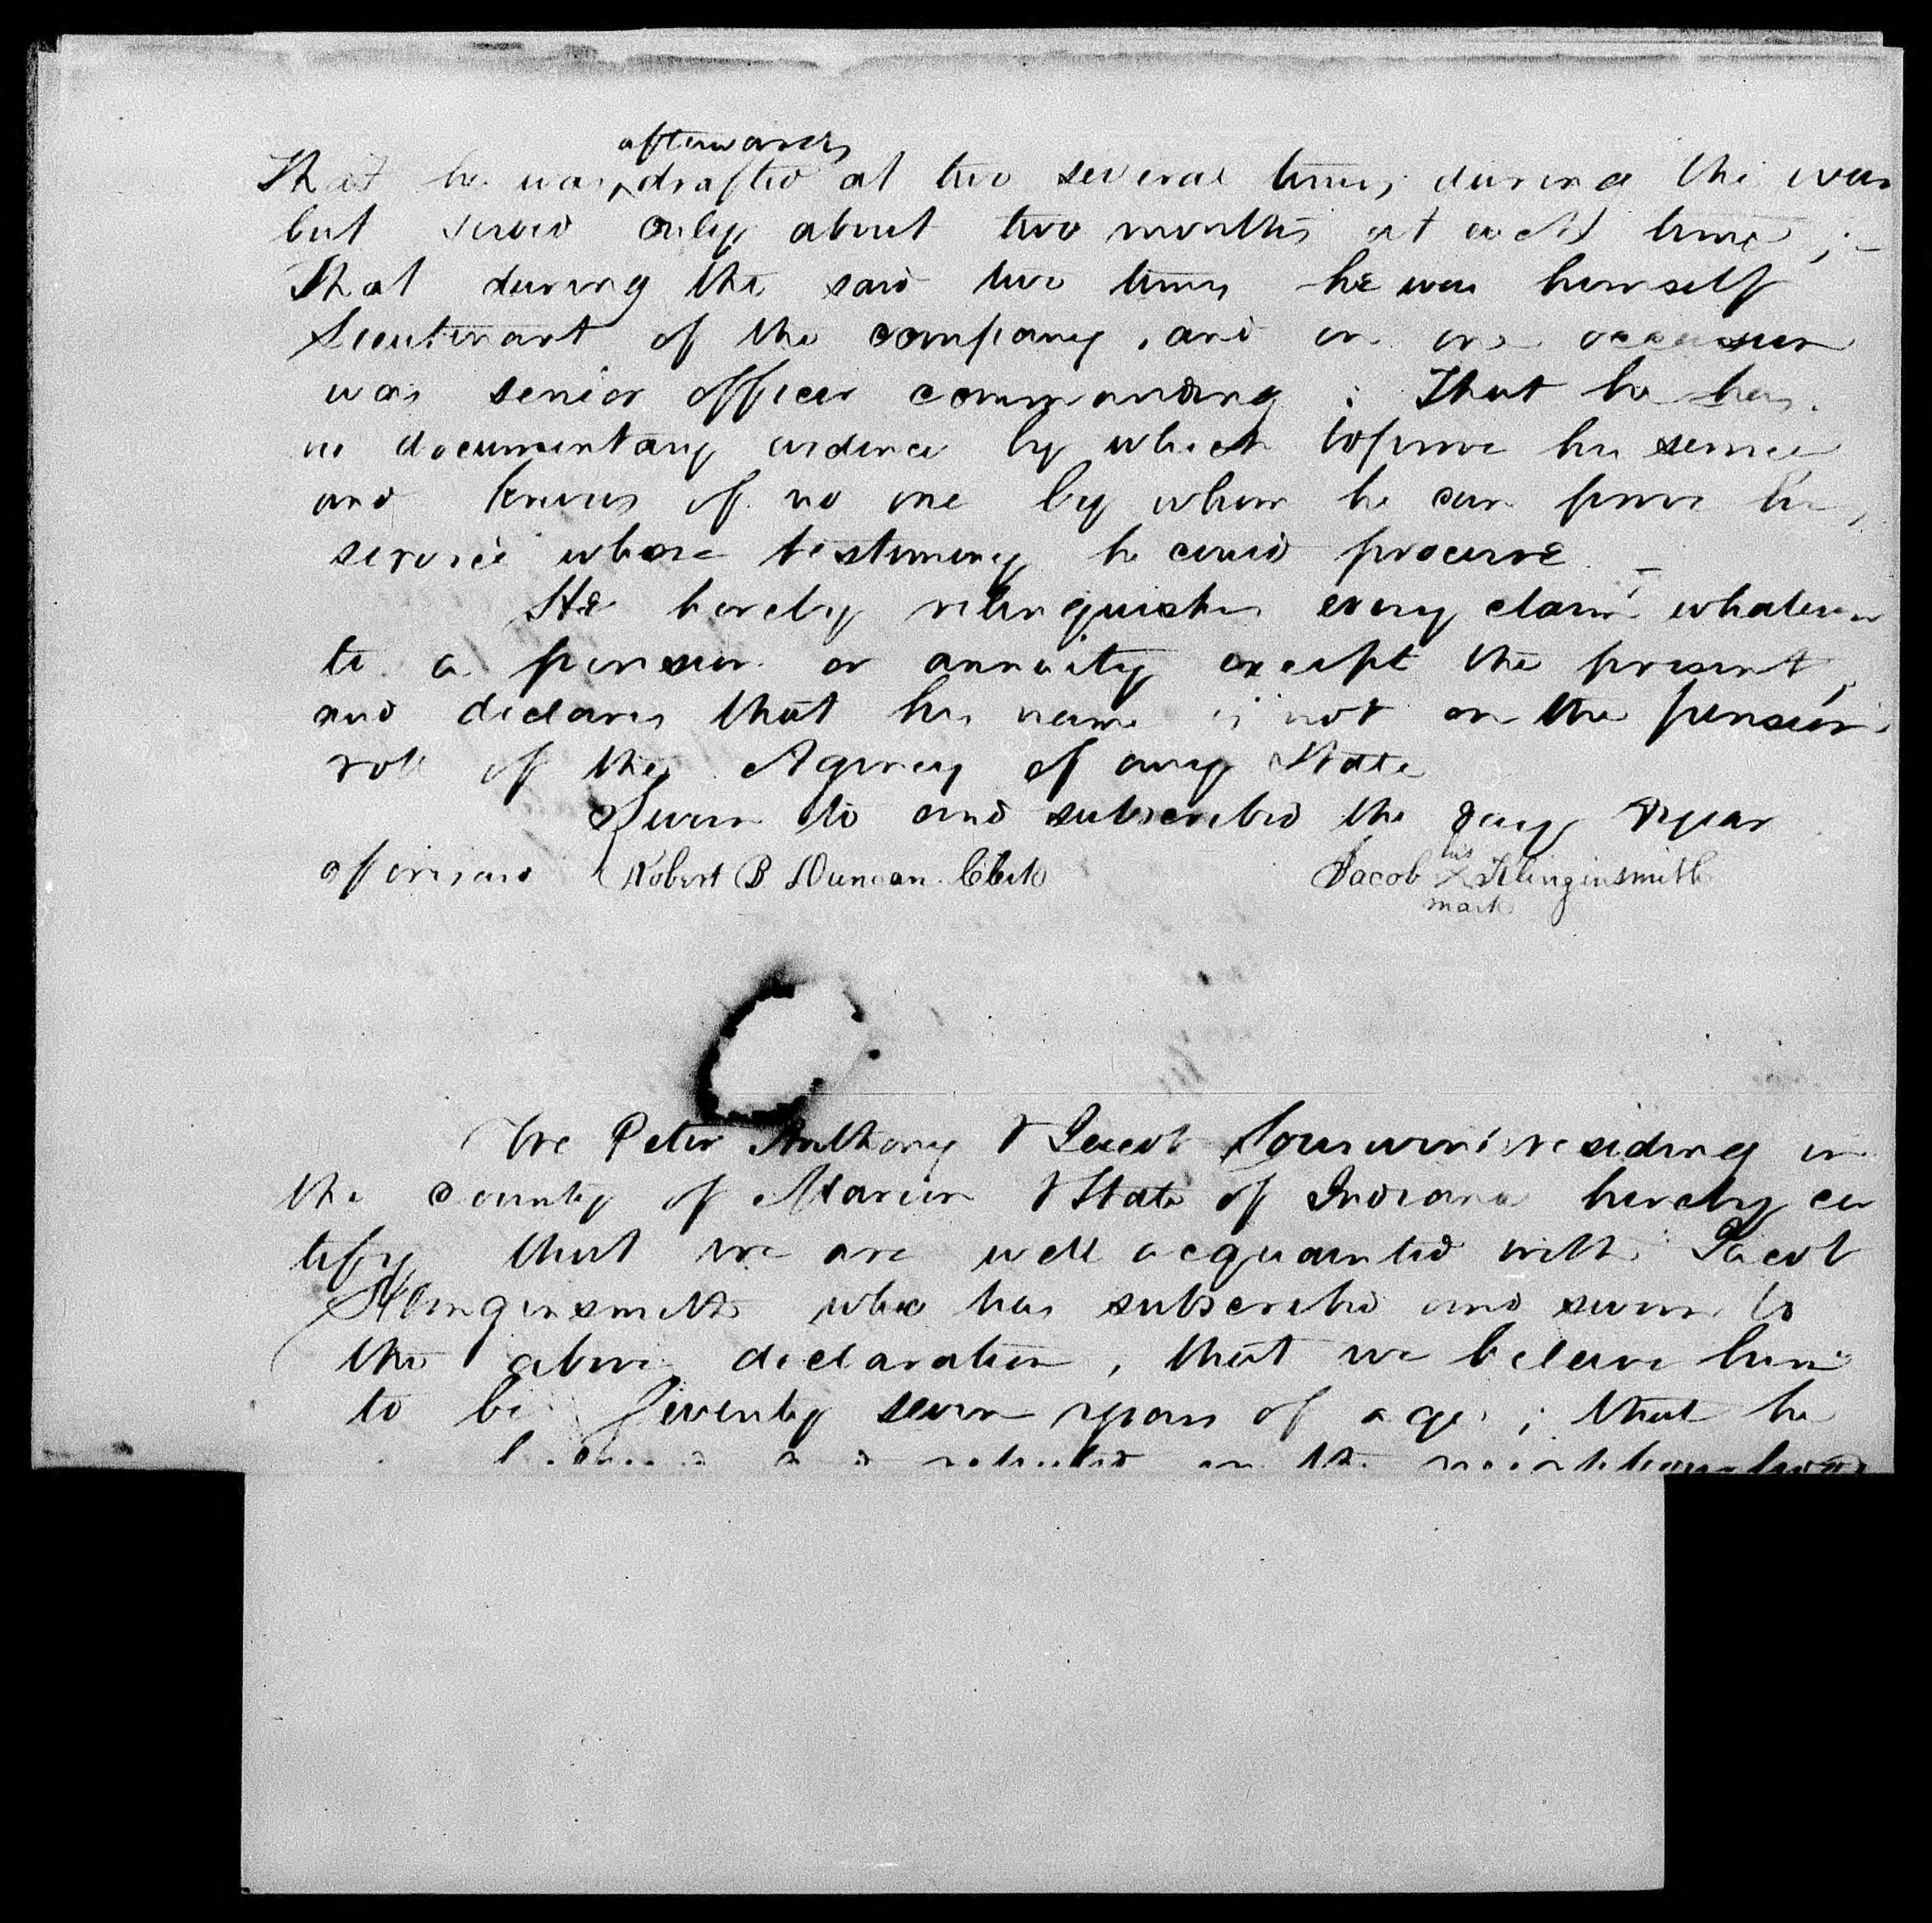That he was ^afterwards^ drafted at two several times during the war but served only about two months at each time; That during the said two times he was himself Lieutenant of the company,  and in one occasion was senior officer commanding; That he has no documentary evidence by which to prove his service and knows of no one by whom he can prove his service whose testimony he could procure.

He hereby relinquishes every claim whatever to a pension or annuity except the present, and declares that his name is not on the pension role of the Agency of any State.

Sworn to and subscribed the day & year of aforesaid Robert B. Duncan Clerk     Jacob [his X mark] Klinginsmith 

[New Page]

We Peter Anthony & Jacob Sourwine residing in the county of Marion & State of Indiana hereby certify that we are well acquainted with Jacob Klinginsmith who has subscribed and sworn to the above declaration, that we believe him to be Seventy seven years of age; that he [illegible}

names: Robert B Duncan; Peter Anthony; Jacob Klinginsmith; Jacob Sourwine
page: 9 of 14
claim: rejected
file: R. 6005, for Jacob Klinginsmith, Pennsylvania